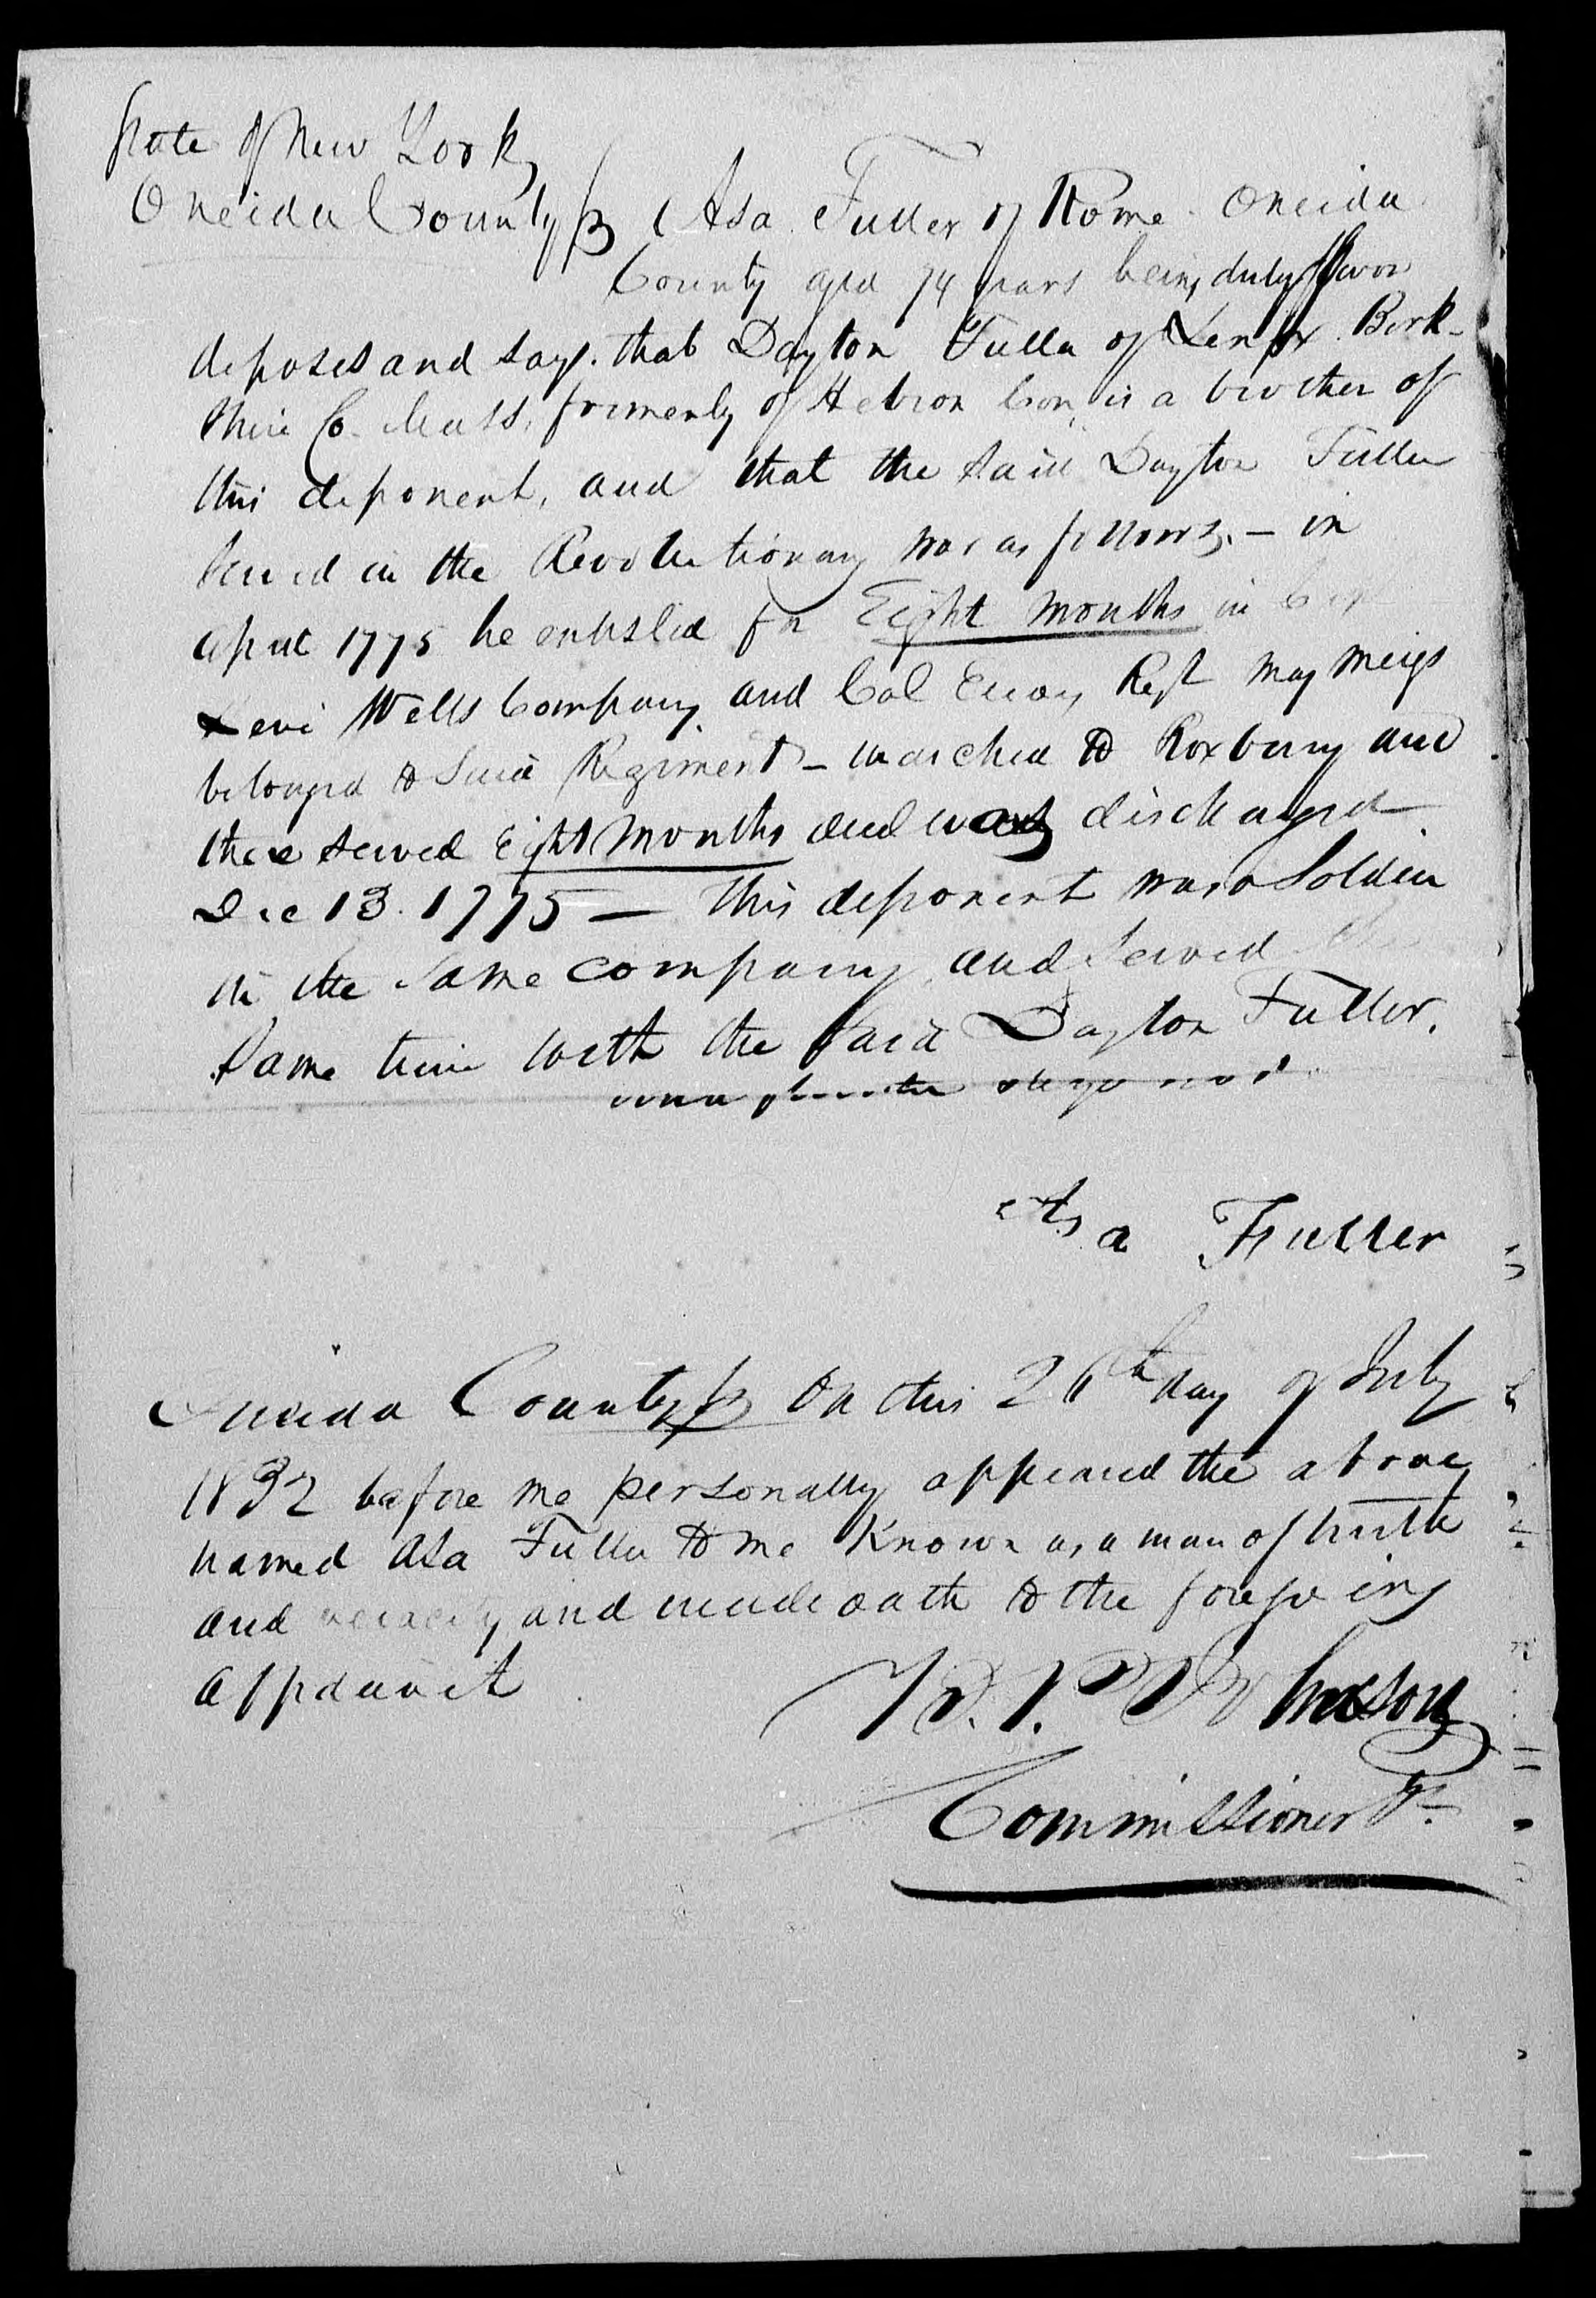Sate of New York, 
Oneida County ss
Asa Fuller of Rome Oneida County aged 74 years being duly sworn deposes and say that Dayton Fuller of Lenox Berkshire Co. Mass, formerly of Hebron Con is a brother of this deponent, and that the said Dayton Fuller served in the Revolutionary war as follows.- in April 1775 he enlisted for Eight months in Capt Levi Wells Company and Col Enos Regt Maj Meigs belonged to Said Regiment - marched to Roxbury and there served eight months and was discharged Dec 13 1775 - This deponent was a soldier in the same company and served the same time with the said Dayton Fuller
Asa Fuller
Oneida County ss.
On this 26th day of July 1832 before me personally appeared the above named Asa Fuller to me known as a man of truth and veracity and made oath to the foregoing affidavit
B.P. Johnson
Commissioner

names: B P Johnson, Dayton Fuller, Asa Fuller, Hebron Con, Asa Fuller, Asa Fuller, Dayton Fuller, Dayton Fuller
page: 9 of 15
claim: survivor's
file: S. 29,166, Dayton Fuller, Conn.